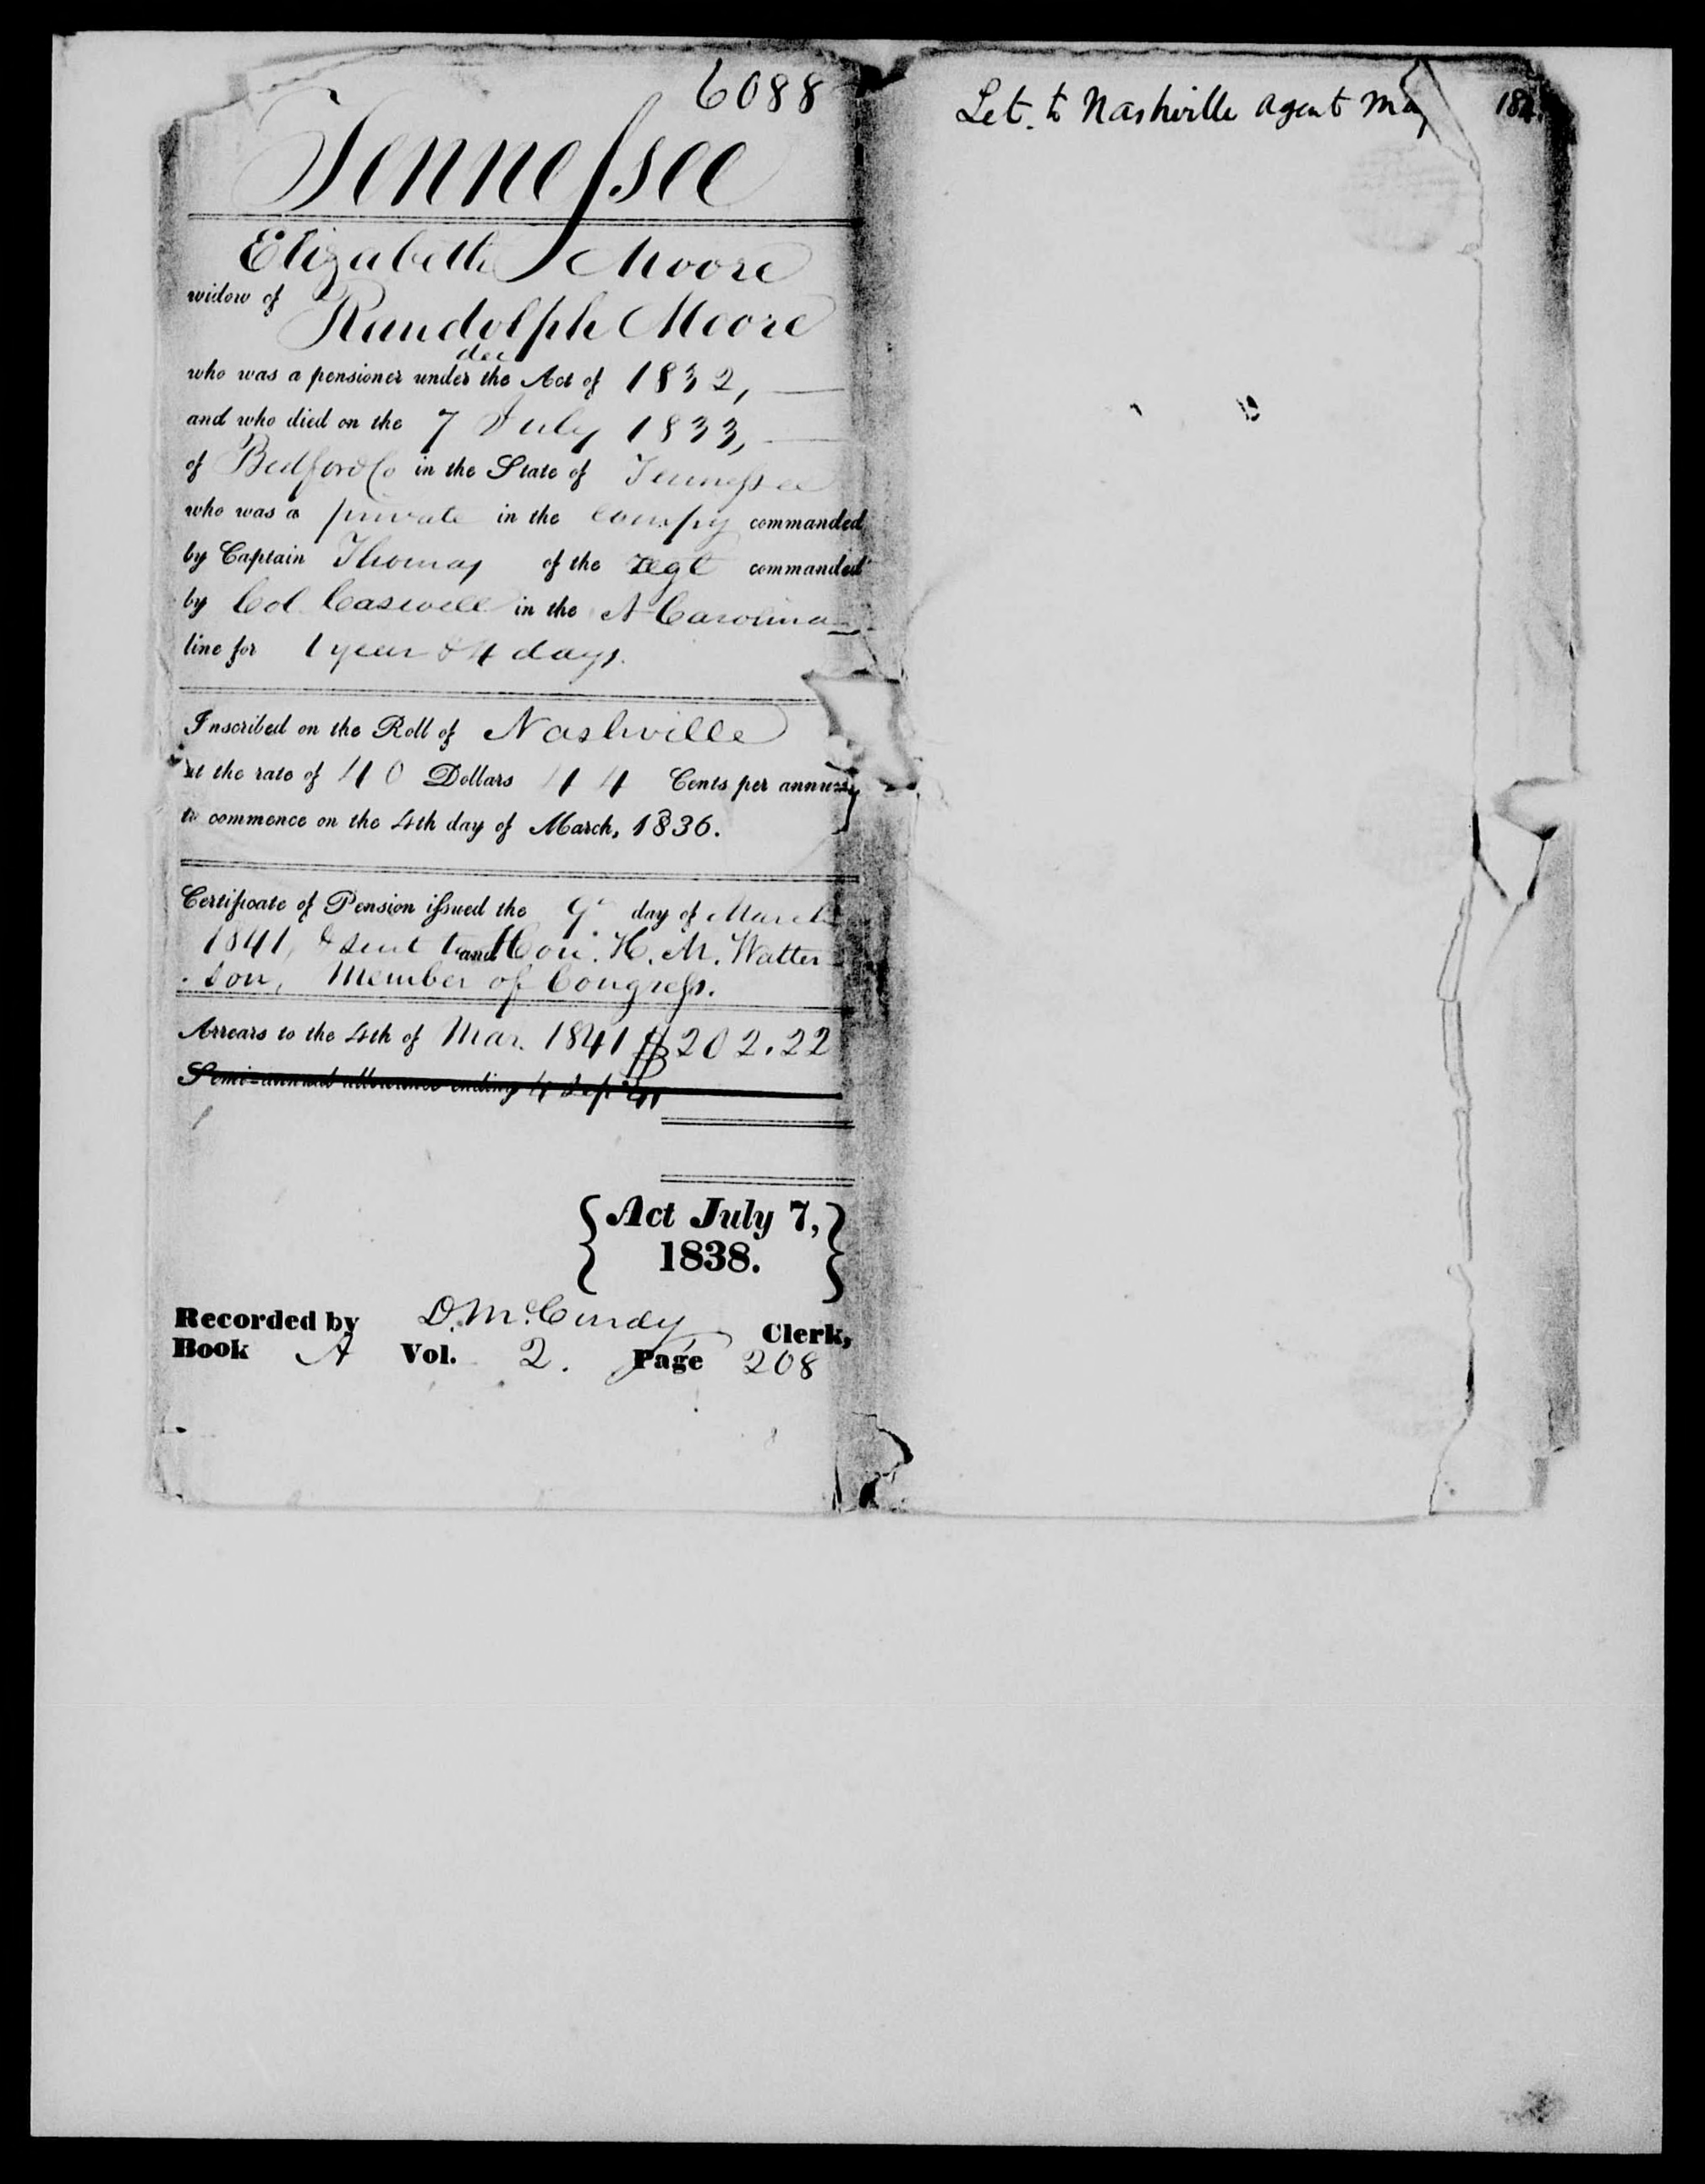6088
Tennessee
==============================
Elizabeth Moore
widow of Randolph Moore dec'd
who was a pensioner under the Act of 1832, 
and who died on the 7 July 1833, 
of Bedford Co. in the State of Tennessee
who was a private in the comp'y. commanded by Col. Caswell in the N. Carolina line for 1 year & 4 days.
==============================
Inscribed on the Roll of Nashville
at the rate of 40 Dollars 44 Cents per annum 
to commence on the 4th day of March, 1836.
==============================
Certificate of Pension issued the 9th day of March 1841 & sent to Hon. H. M. Watterson, Member of Congress.
==============================
Arrears to the 4th of Mar. 1841 $22.22

{Act July 7,}
{1838.}
Recorded by D.M. Curdy Clerk,
Book A Vol. 2 Page 208

Let. to Nashville agent May [fold] 184?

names: [BLANK] Caswell; H M Walterson; [BLANK] Thomas; Randolph Moore; D Mc Curdy; Elizabeth Moore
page: 2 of 33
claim: widow's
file: W. 52, for Randolph Moore, North Carolina